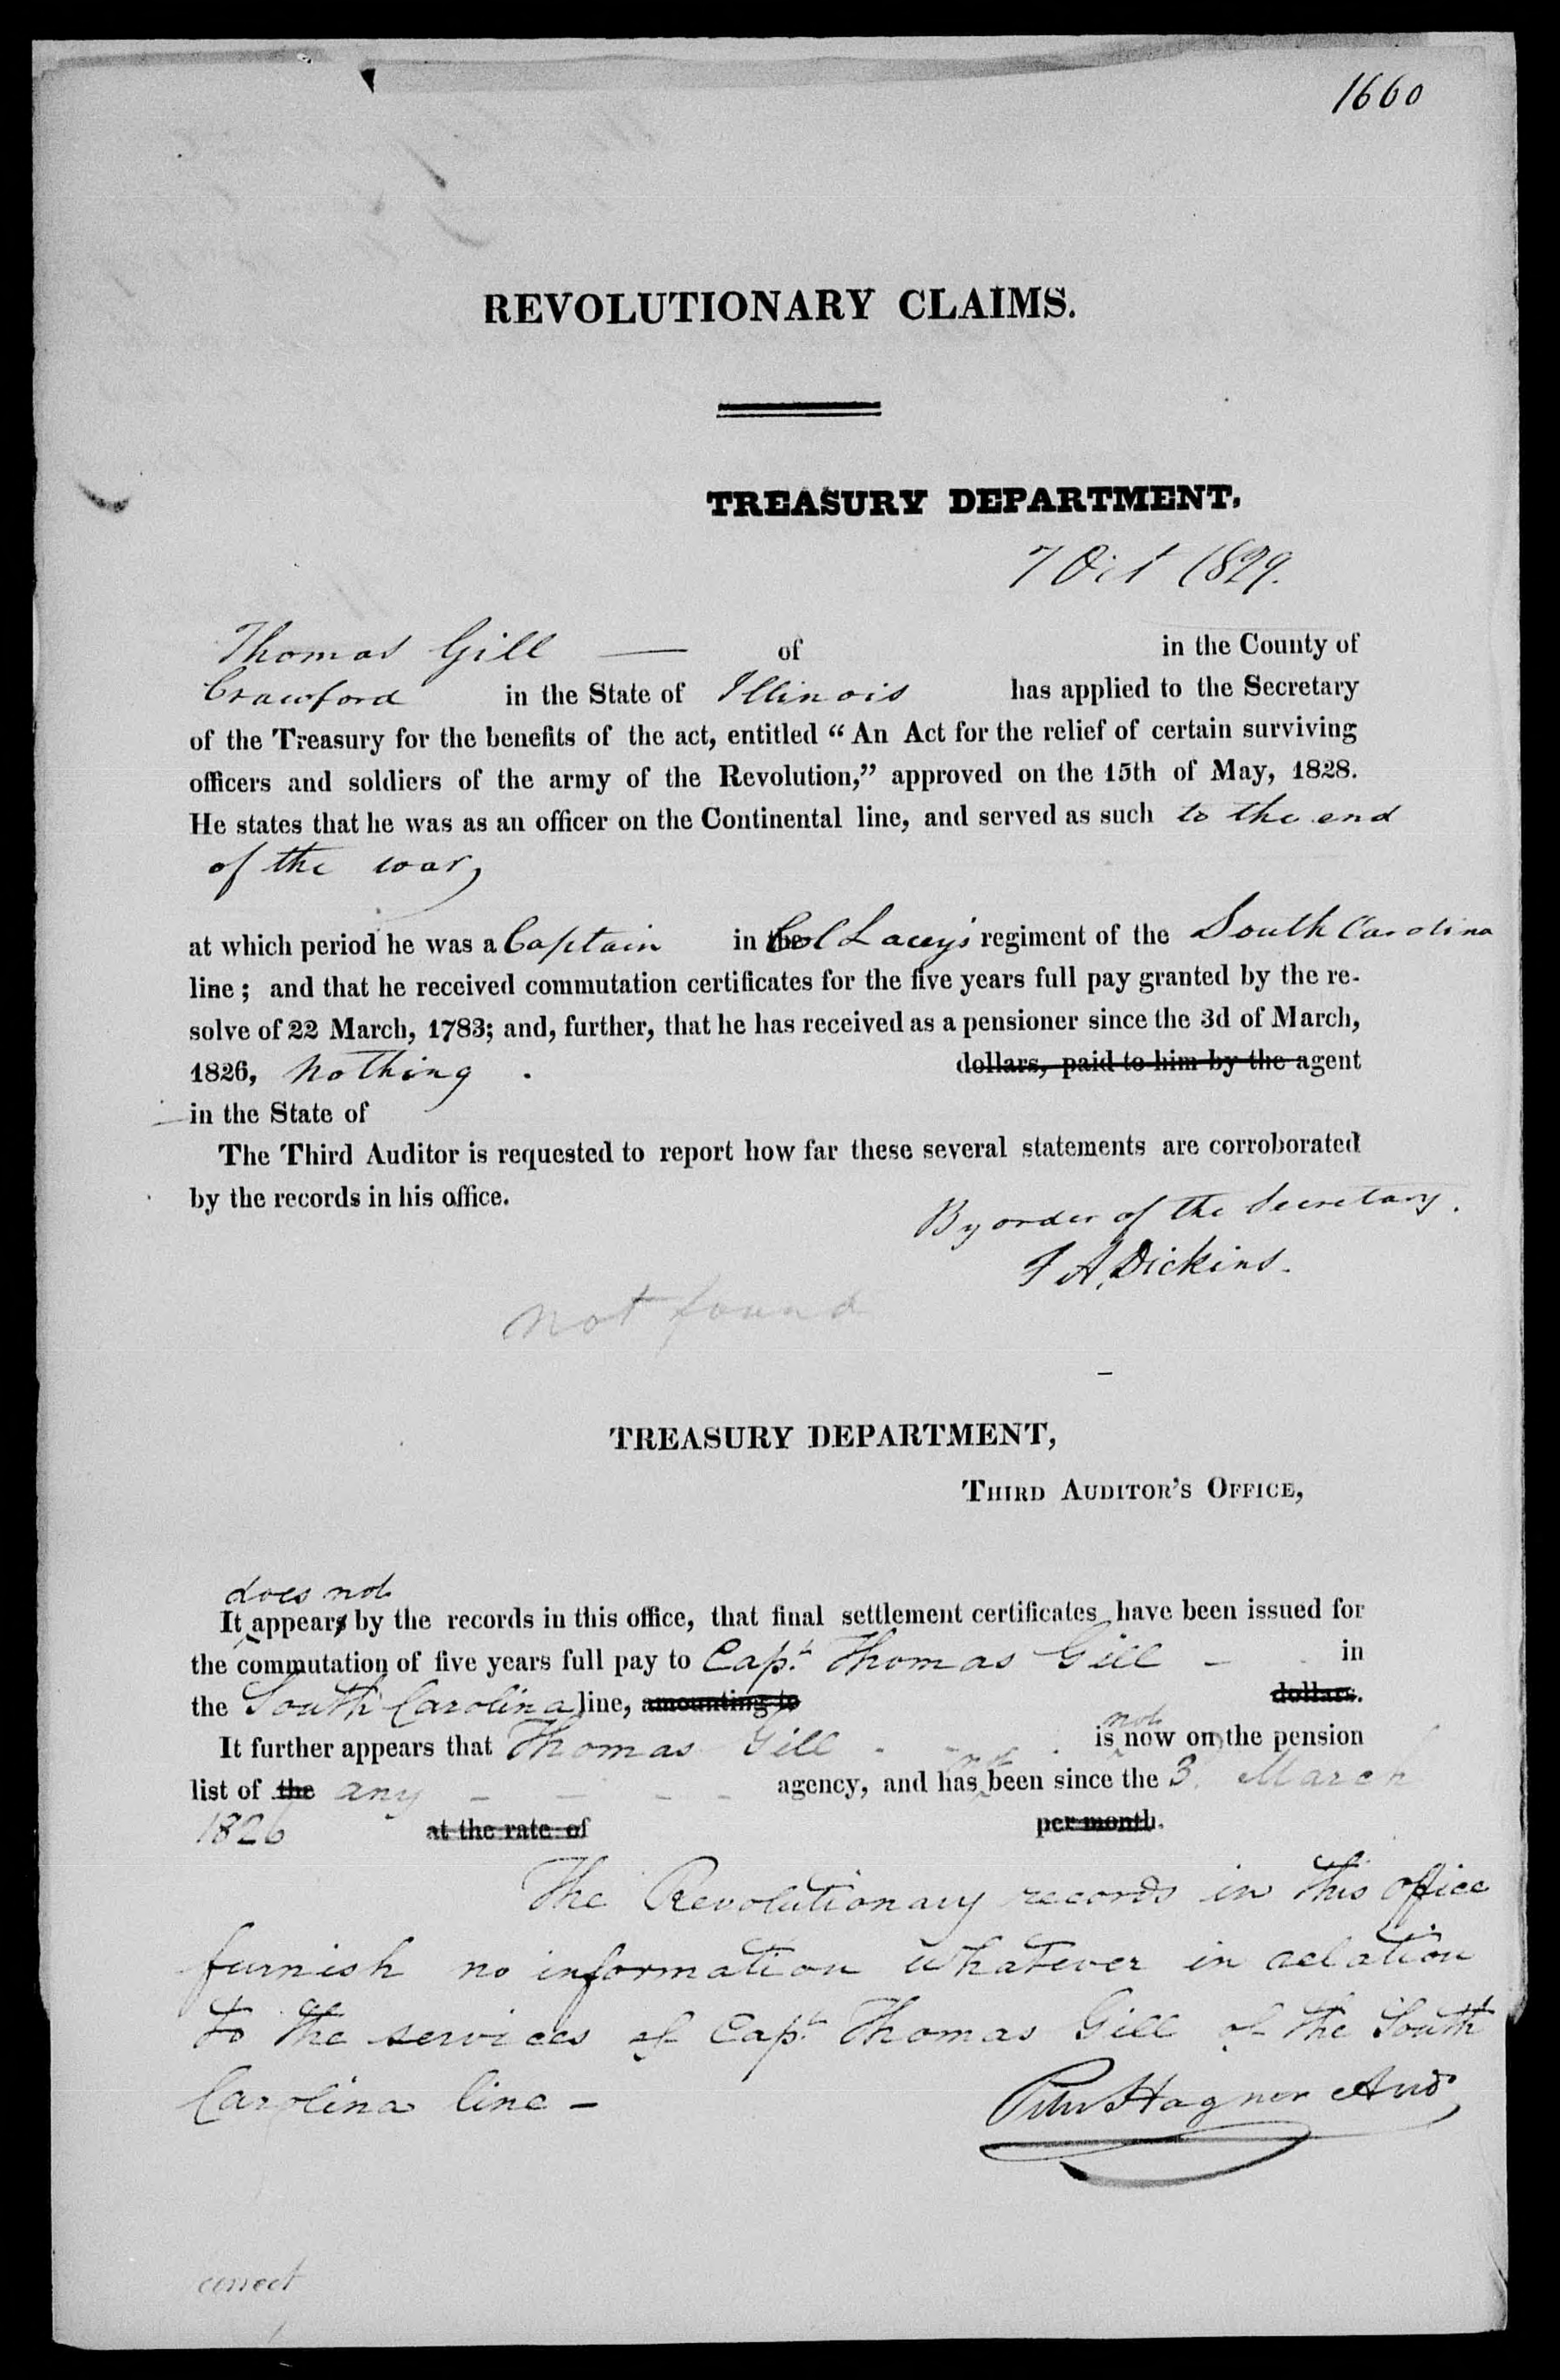REVOLUTIONARY CLAIMS
TREASURY DEPARTMENT
7 Oct 1829
Thomas Gill of _in the County of Crawford in the State of Illinois has applied to the Secretary of the Treasury for the benefits of the act, entitled "An Act for the relief of certain surviving officers and soldiers of the army of the Revolution," approved on the 15th of May, 1828, He states that he as an officer on the Continental line, and served as such to the end of the war at which period he was a Captain in Col [Edward] Lacey's regiment of the South Carolina line; and that he received commutation certificates for the five years full pay granted by the resolve of 22 March, 1783; and, further, that he has received as a pensioner since the 3d of March 1826, nothing.
   The Third Auditor is requested to report how far these statements are corroborated by the records in his office.
  By order of the Secretary FA Dickins
not found

TREASURY DEPARTMENT
THIRD AUDITOR"S OFFICE

   It does not appear by the records in this office, that final settlement certificates have been issued for the commutation of five years full pay to Capt Thomas Gill in the South Carolina line.
   It further appears that Thomas Gill is  not now on the pension list of any agency, and has not been since the 3d March 1826.
The Revolutionary records in this office furnish no information whatever in relation to the services of Capt Thomas Gill in the South Carolina line.
s/ Peter Hagner Aud.
correct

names: Peter Hagner, F A Dickins, Thomas Gill, Thomas Gill, Thomas Gill, Thomas Gill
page: 22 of 44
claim: survivor's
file: S. 31,061, Thomas Gill, S.C.